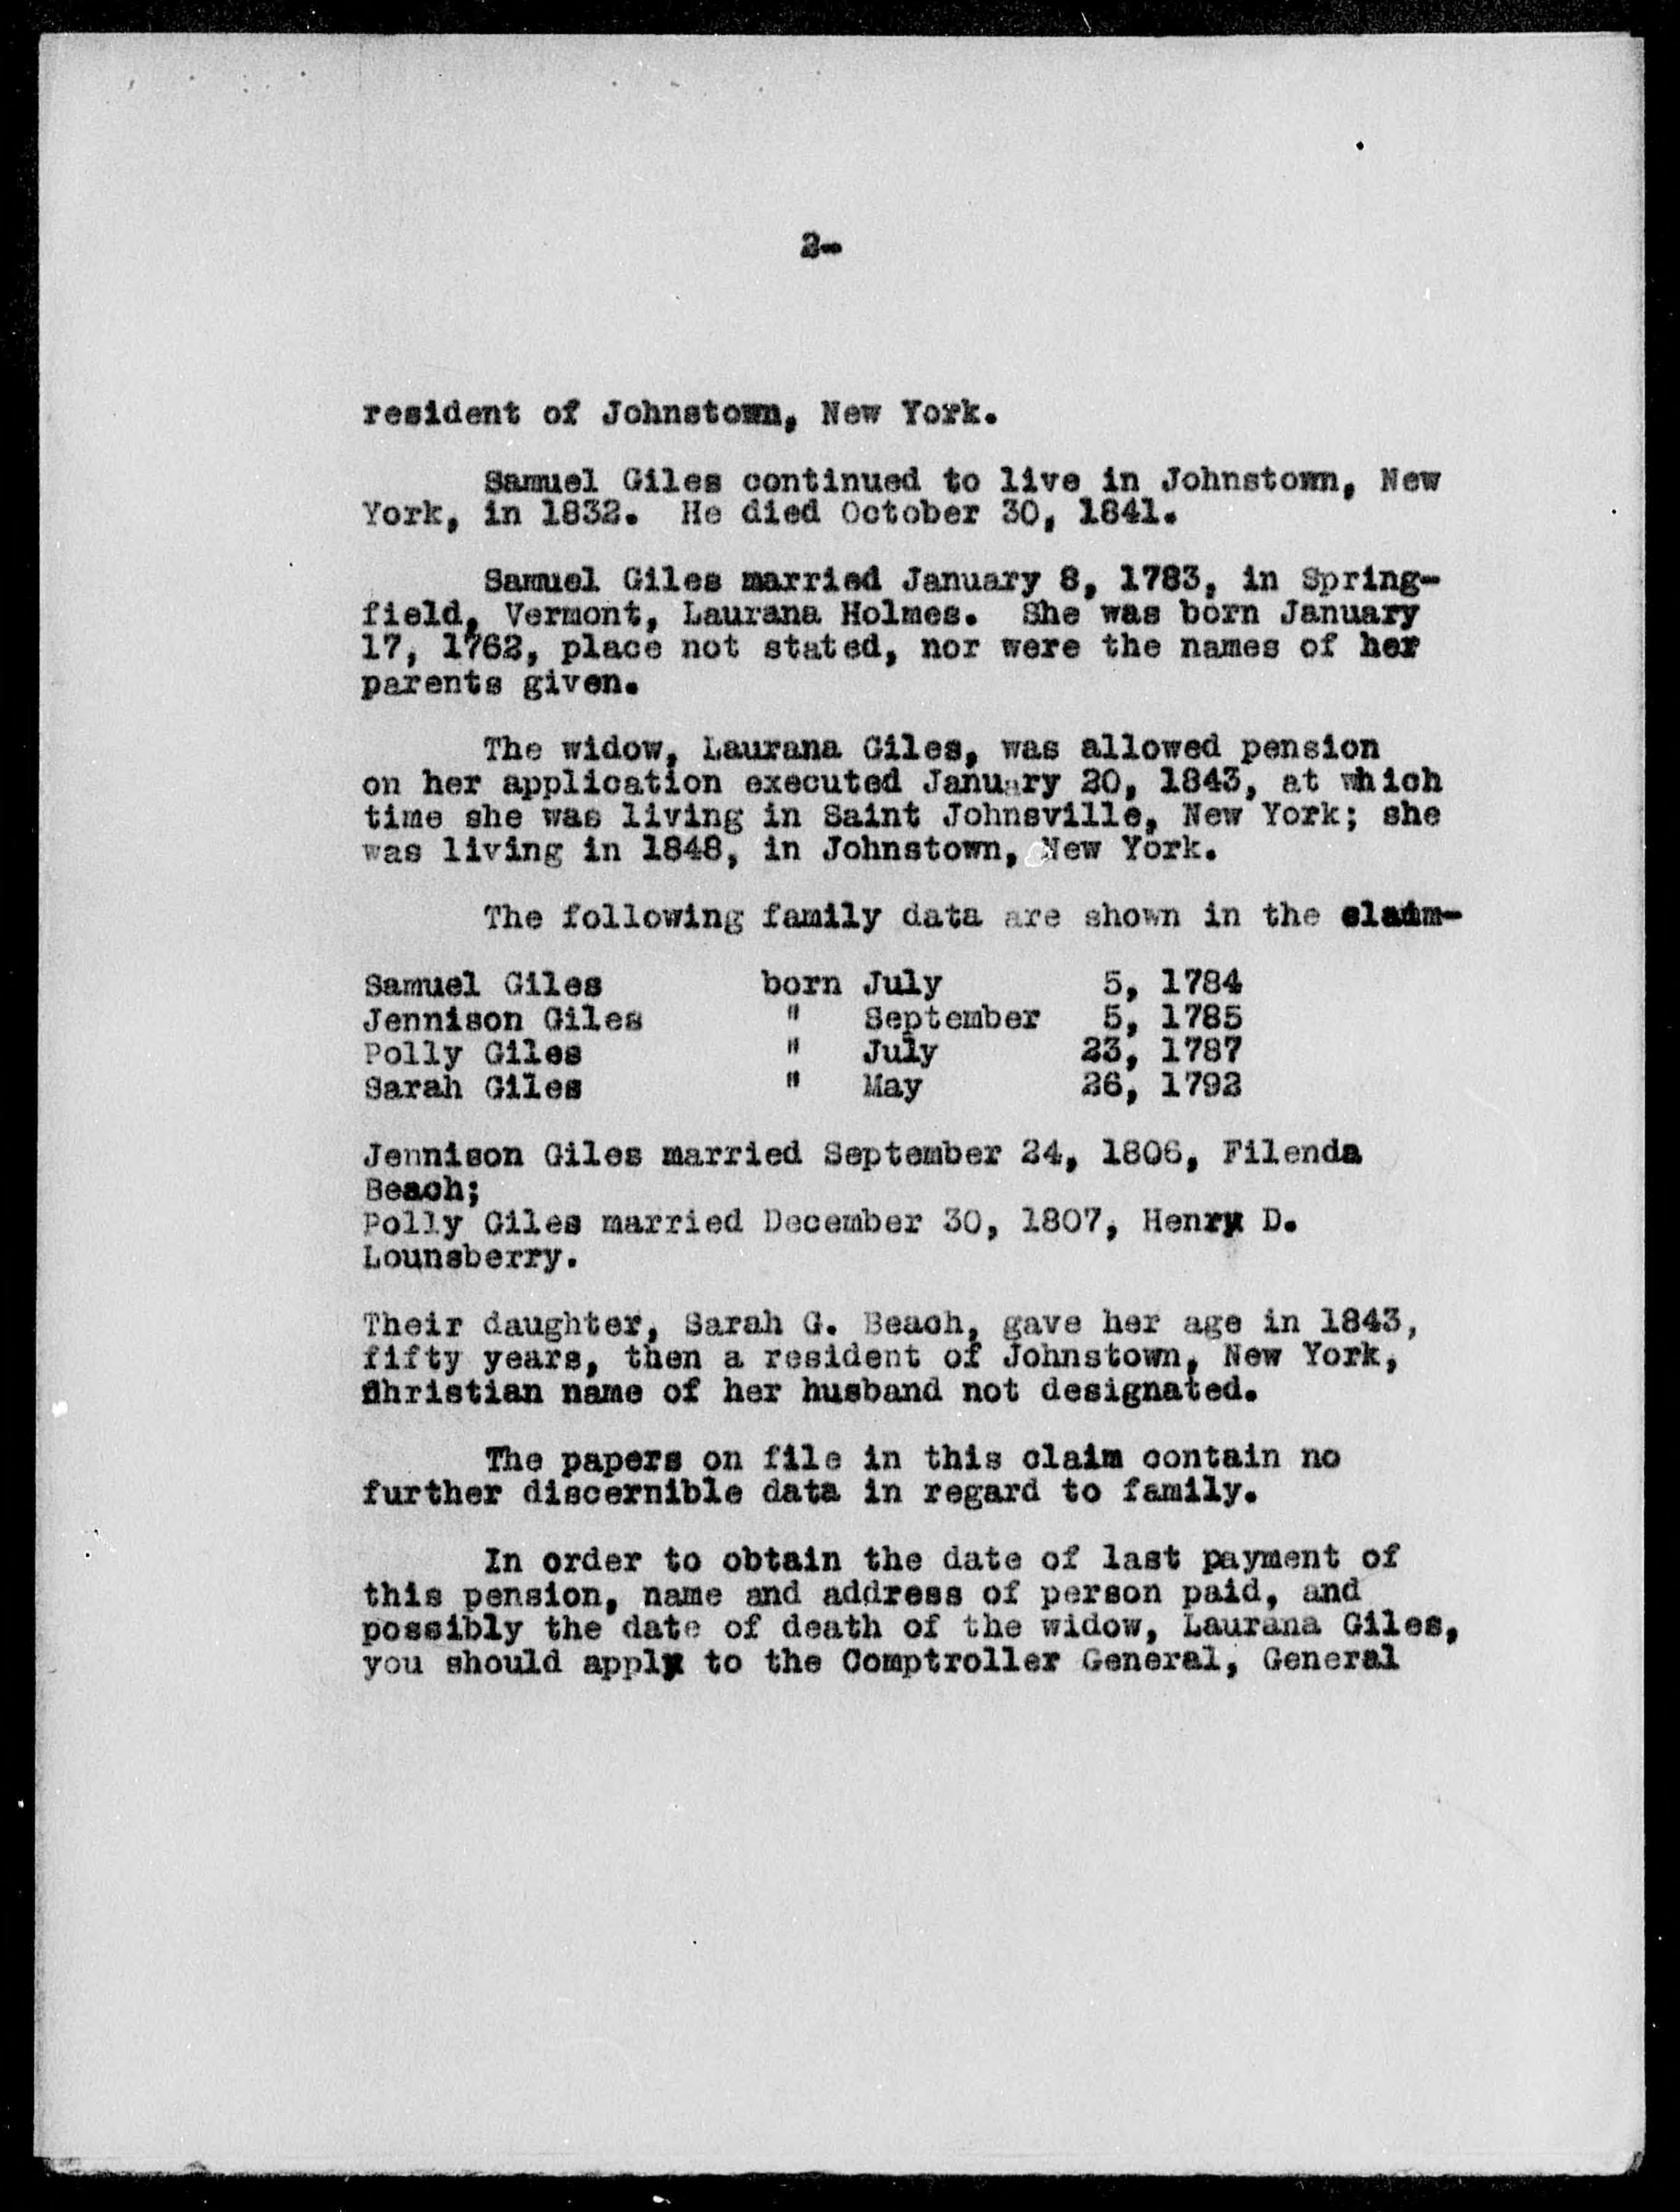[Page] 2-

resident of Johnstown, New York.

Samuel Giles continued to live in Johnstown, New
York, in 1832. He died October 30, 1841.

Samuel Giles married January 8, 1783, in Springfield, Vermont, Laurana Holmes. She was born January 17, 1762, place not stated, nor were the names of her parents given.

The widow, Laurana Giles, was allowed pension on her application executed January 20, 1843, at which time she was living in Saint Johnsville, New York; she
was living in 1848, in Johnstown, New York.

The following family data are shown in the claim-
Samuel Giles born July 5, 1784
Jennison Giles " [born] September 5, 1785
Polly Giles " [born] July 23, 1787
Sarah Giles " [born] May 26, 1792

Jennison Giles married September 24, 1806, Filenda Beach;
Polly Giles married December 30, 1807, Henry D. Lounsberry.
Their daughter, Sarah G. Beaoh, gave her age in 1843,
fifty years, then a resident of Johnstown, New York,
Christian name of her husband not designated.

The papers on file in this claim contain no
further discernible data in regard to family.
In order to obtain the date of last payment of
this pension, name and address of person paid, and
possibly the date of death of the widow, Laurana Giles,
you should apply to the Comptroller General, General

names: Laurana Holmes, Filenda Beach, Henry D Lounsberry, Polly Giles, Sarah Giles, Laurana Giles, Samuel Giles, Laurana Giles, Sarah G Beach, Samuel Giles, Jennison Giles, Christian, Samuel Giles, Polly Giles, Jennison Giles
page: 20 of 55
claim: widow's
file: W. 19503, Samuel Giles, Conti. Mass. New York